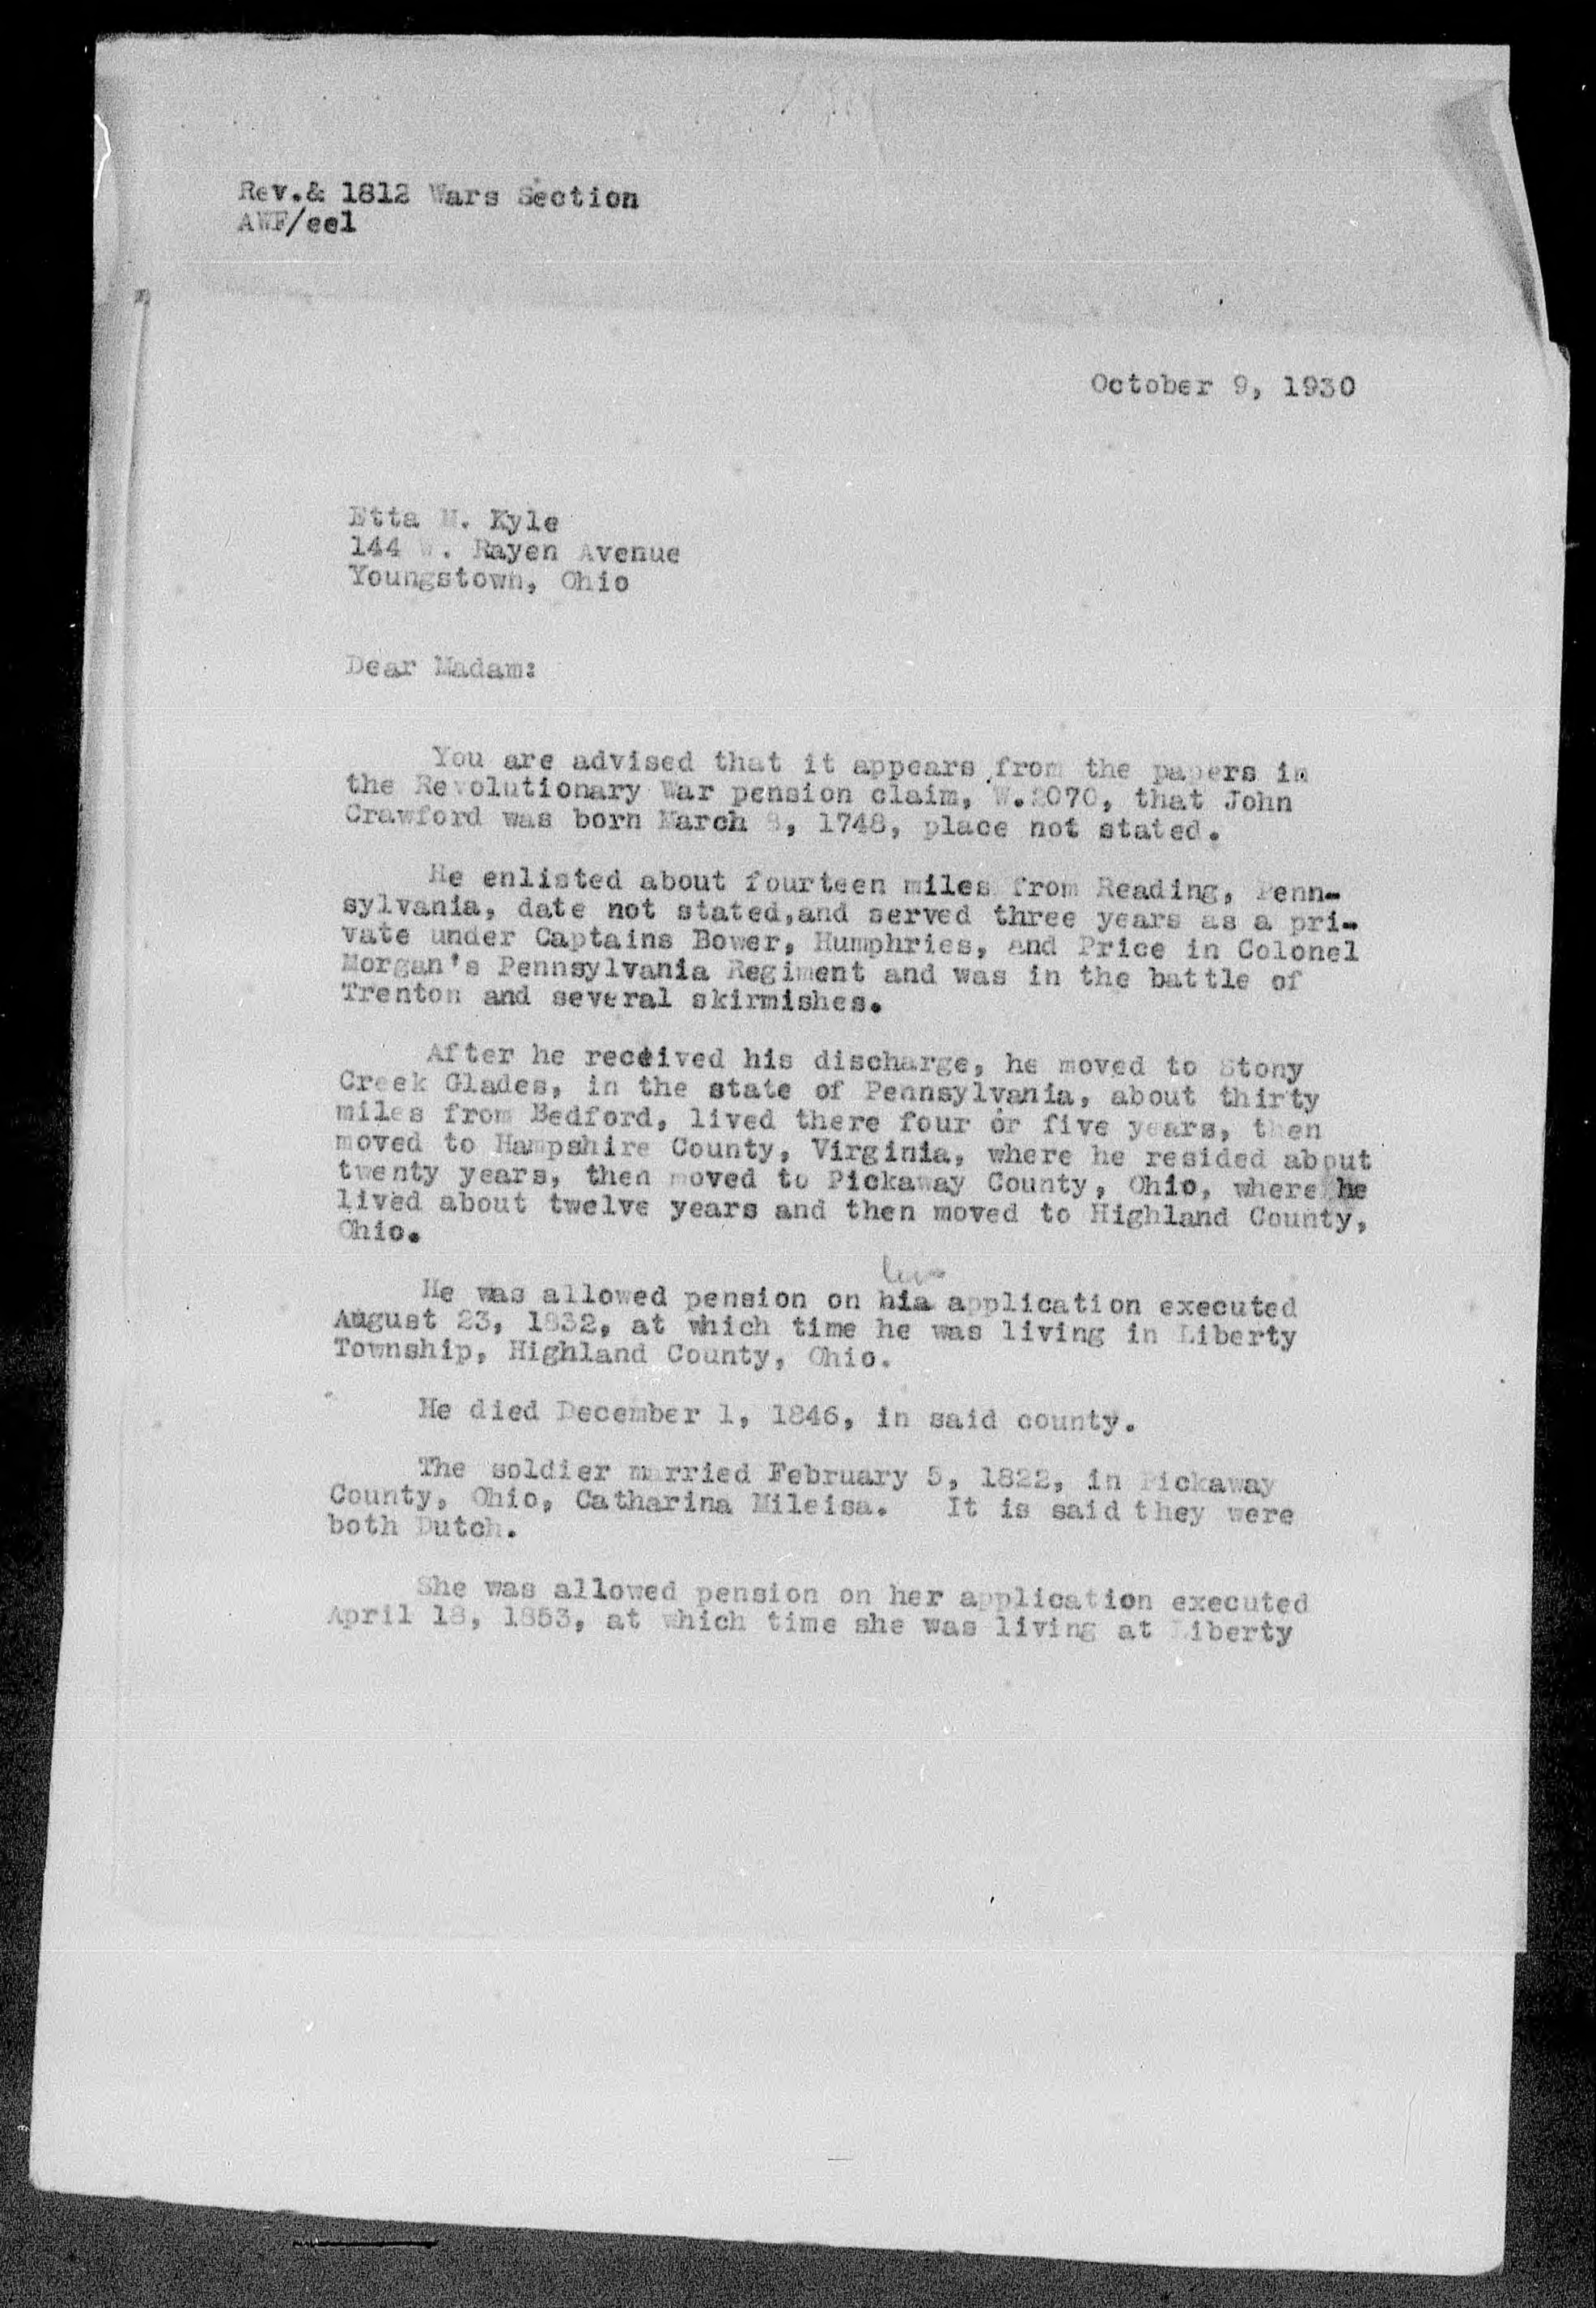Rev.& 1812 Wars Section
AWF/eel
October 9, 1930
Etta M. Kyle
144 W. Rayen Avenue
Youngstown, Ohio
Dear Madam:
You are advised that it appears from the papers in the Revolutionary War pension claim, W.2070, that John Crawford was born March 9, 1748, place not stated.
He enlisted about fourteen miles from Reading, Pennsylvania, date not stated, and served three years as a private under Captains Bower, Humphries, and Price in Colonel Morgan's Pennsylvania Regiment and was in the battle of Trenton and several skirmishes.
After he received his discharge, he moved to Stony Creek Glades, in the state of Pennsylvania, about thirty miles from Bedford, lived there four or five years, then moved to Hampshire County, Virginia, where he resided about twenty years, then moved to Pickaway County, Ohio, where he lived about twelve years and then moved to Highland County, Ohio.
He was allowed pension on his application executed August 23, 1832, at which time he was living in Liberty Township, Highland County, Ohio. He died December 1, 1846, in said county.
The soldier married February 5, 1822, in Pickaway County, Ohio, Catharina Mileisa. It is said they were both Dutch.
She was allowed pension on her application executed April 18, 1853, at which time she was living at Liberty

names: Bower, Catharina Mileisa, John Crawford, Humphries, Etta M Kyle, Price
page: 76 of 80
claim: widow's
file: W 2070, John Crawford, Penn.